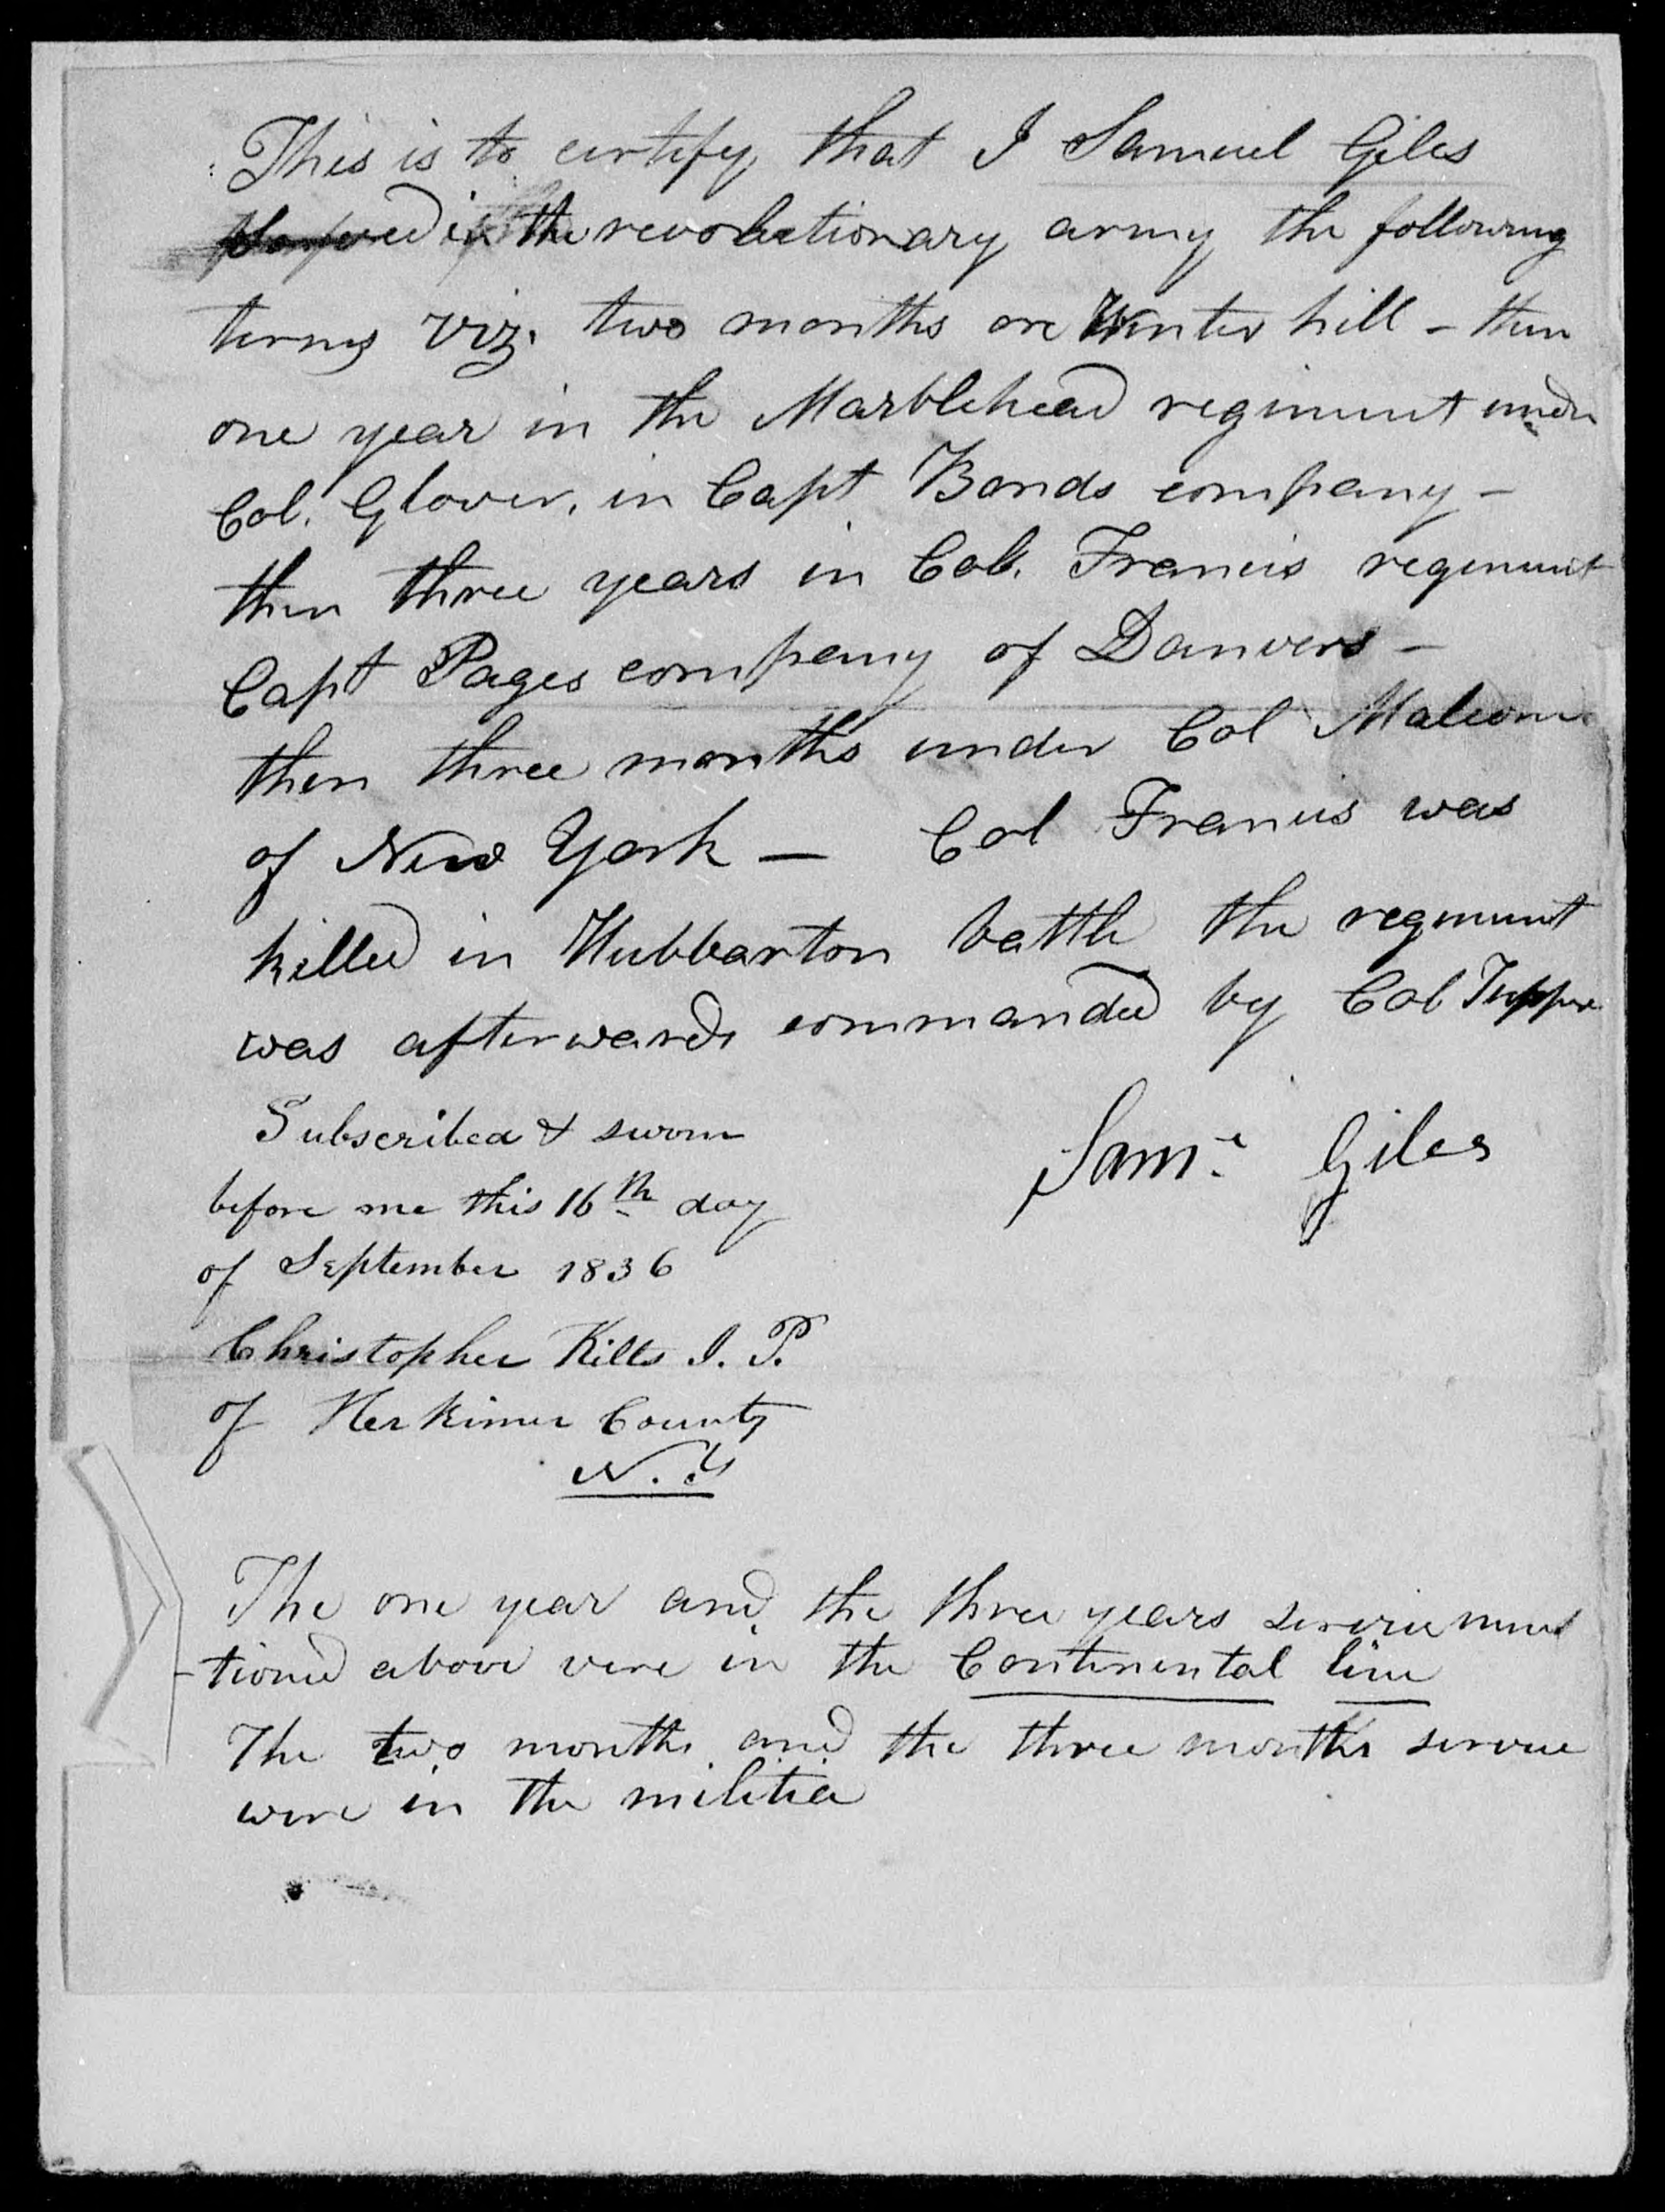[handwritten]
This is to certify that I Samuel Giles served in the revolutionary army the following terms viz. two months on Winter hill - then one year in the Marblehead regiment under Col Glover, in Capt Bonds company - then three years in Col. Francis regiment Capt Pages company of Danvers - then three months under Col Malcolm of New York - Col Francis was killed in Hubbarton battle the regiment was afterwards commanded by Col Tupper
Subscribed & sworn before me this 16th day of September 1836
Christopher Kilts J. P. 
of Herkimer County
N.Y
Sam Giles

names: Saml Giles, Christopher Kilts, Samuel Giles, Glover, Tupper, Malcom, Francis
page: 36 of 55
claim: widow's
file: W. 19503, Samuel Giles, Conti. Mass. New York